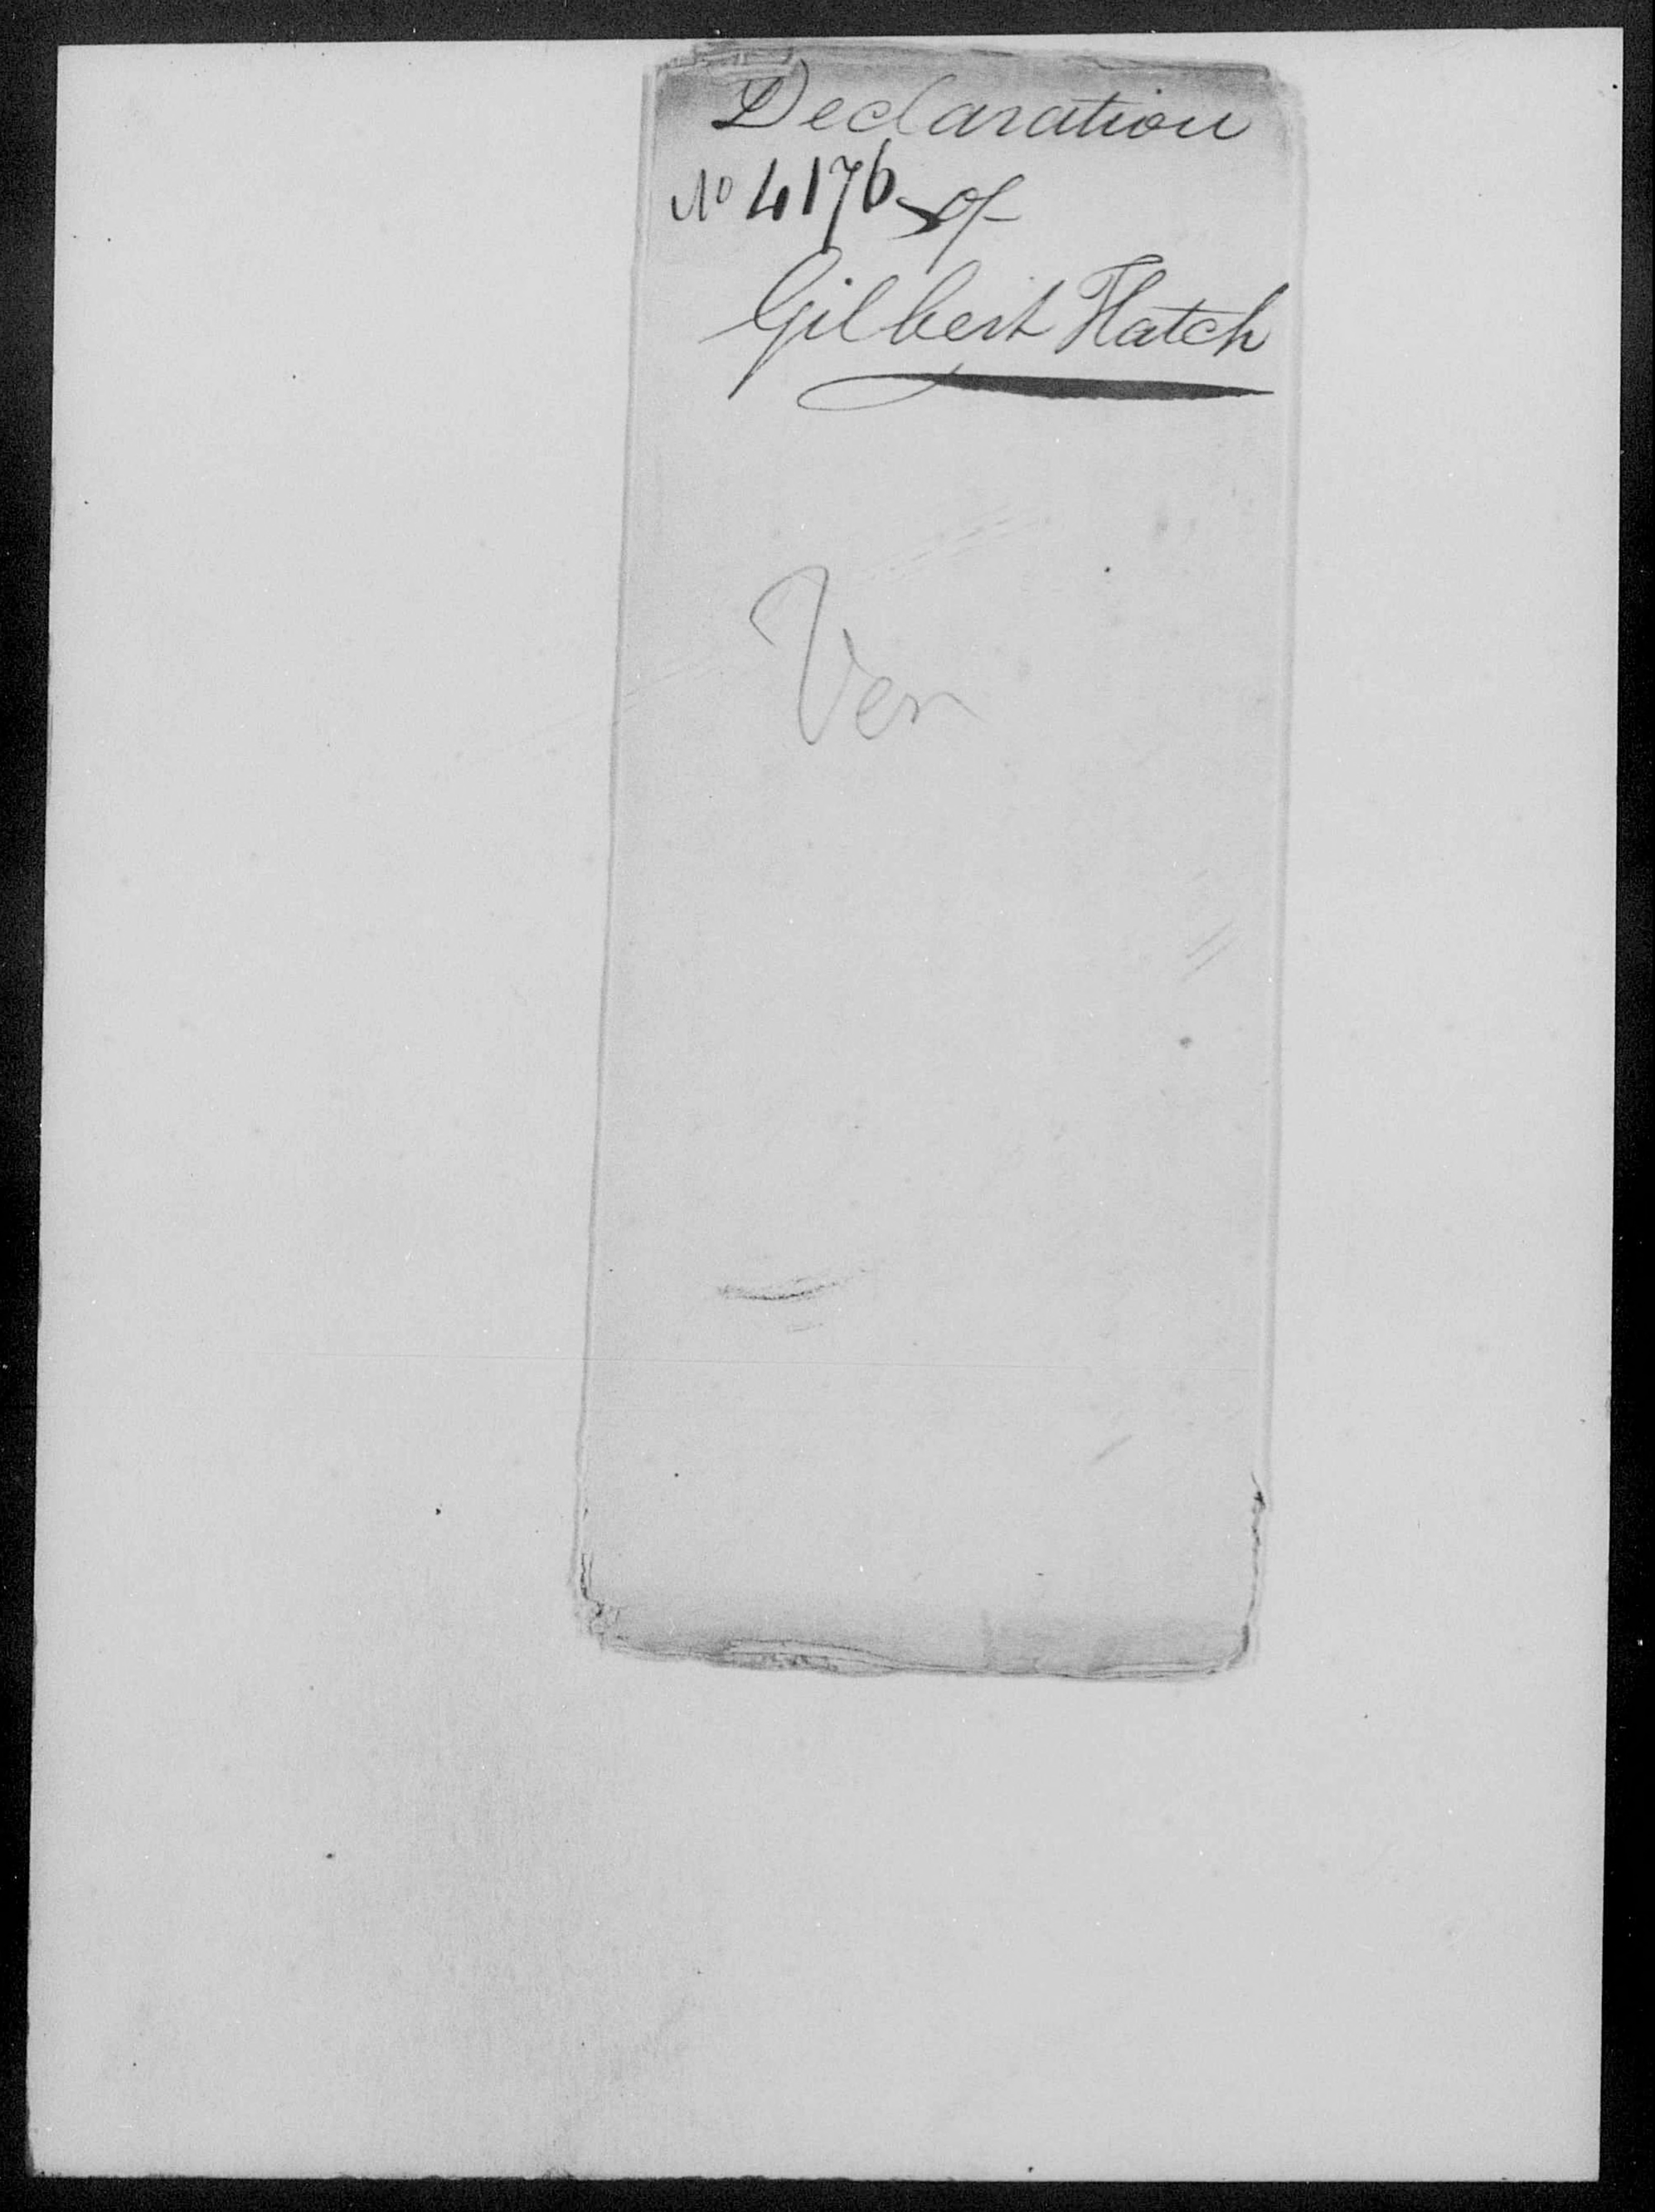Declaration
No 4176 of
Gilbert Hatch
Ver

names: Gilbert Hatch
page: 5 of 47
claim: widow's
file: W. 225, Gilbert Hatch, Conn.